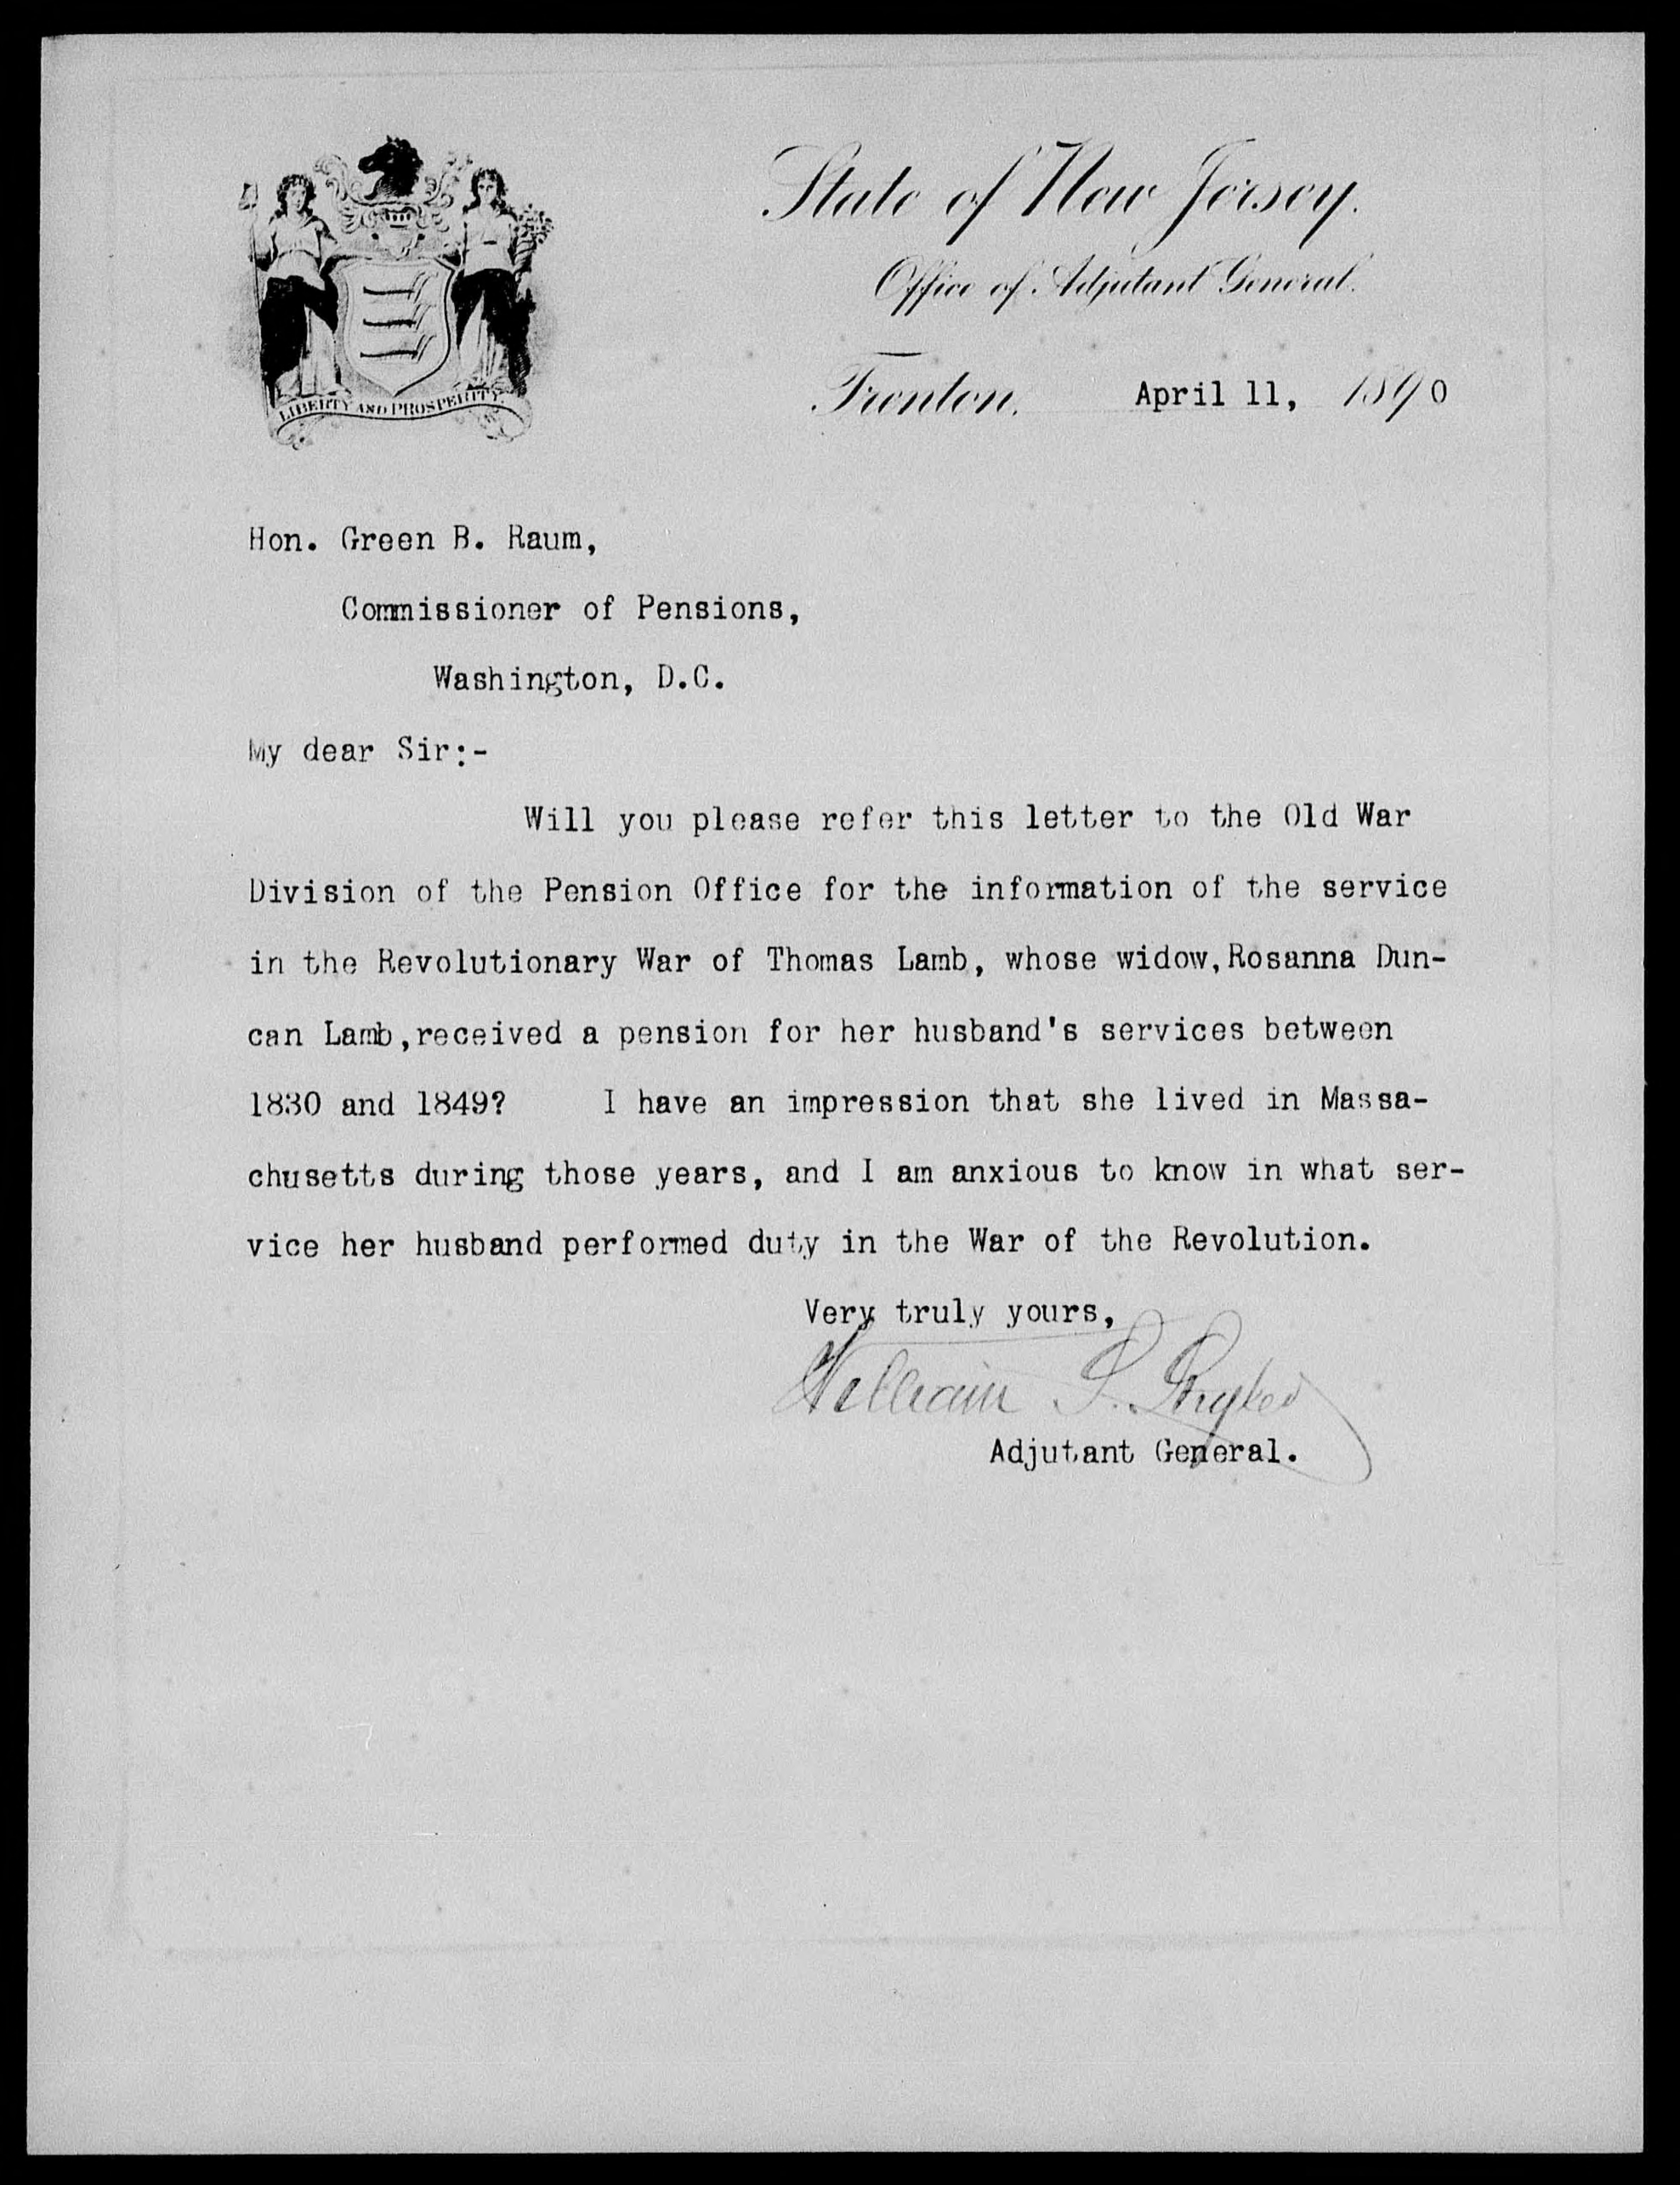State of New Jersey
Office of Adjutant General
Trenton April 11, 1890
Hon Green B. Raum,
Commissioner of Pensions,
Washington, D.C.

My dear Sir:-
Will you please refer this letter to the Old War Division of the Pension Office for the information of the service in the Revolutionary War of Thomas Lamb, whose widow, Rosanna Duncan Lamb, received a pension for her husband's services between 1830 and 1849? I have an impression that she lived in Massachusetts during those years, and I am anxious to know in what service her husband performed duty in the War of the Revolution.
Very truly yours,
William S. Stryker
Adjutant General.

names: William S Stryker; Green B Raum; Thomas Lamb; Rosanna Duncan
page: 18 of 23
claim: widow's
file: W. 15010, for Thomas Lamb, Massachusetts